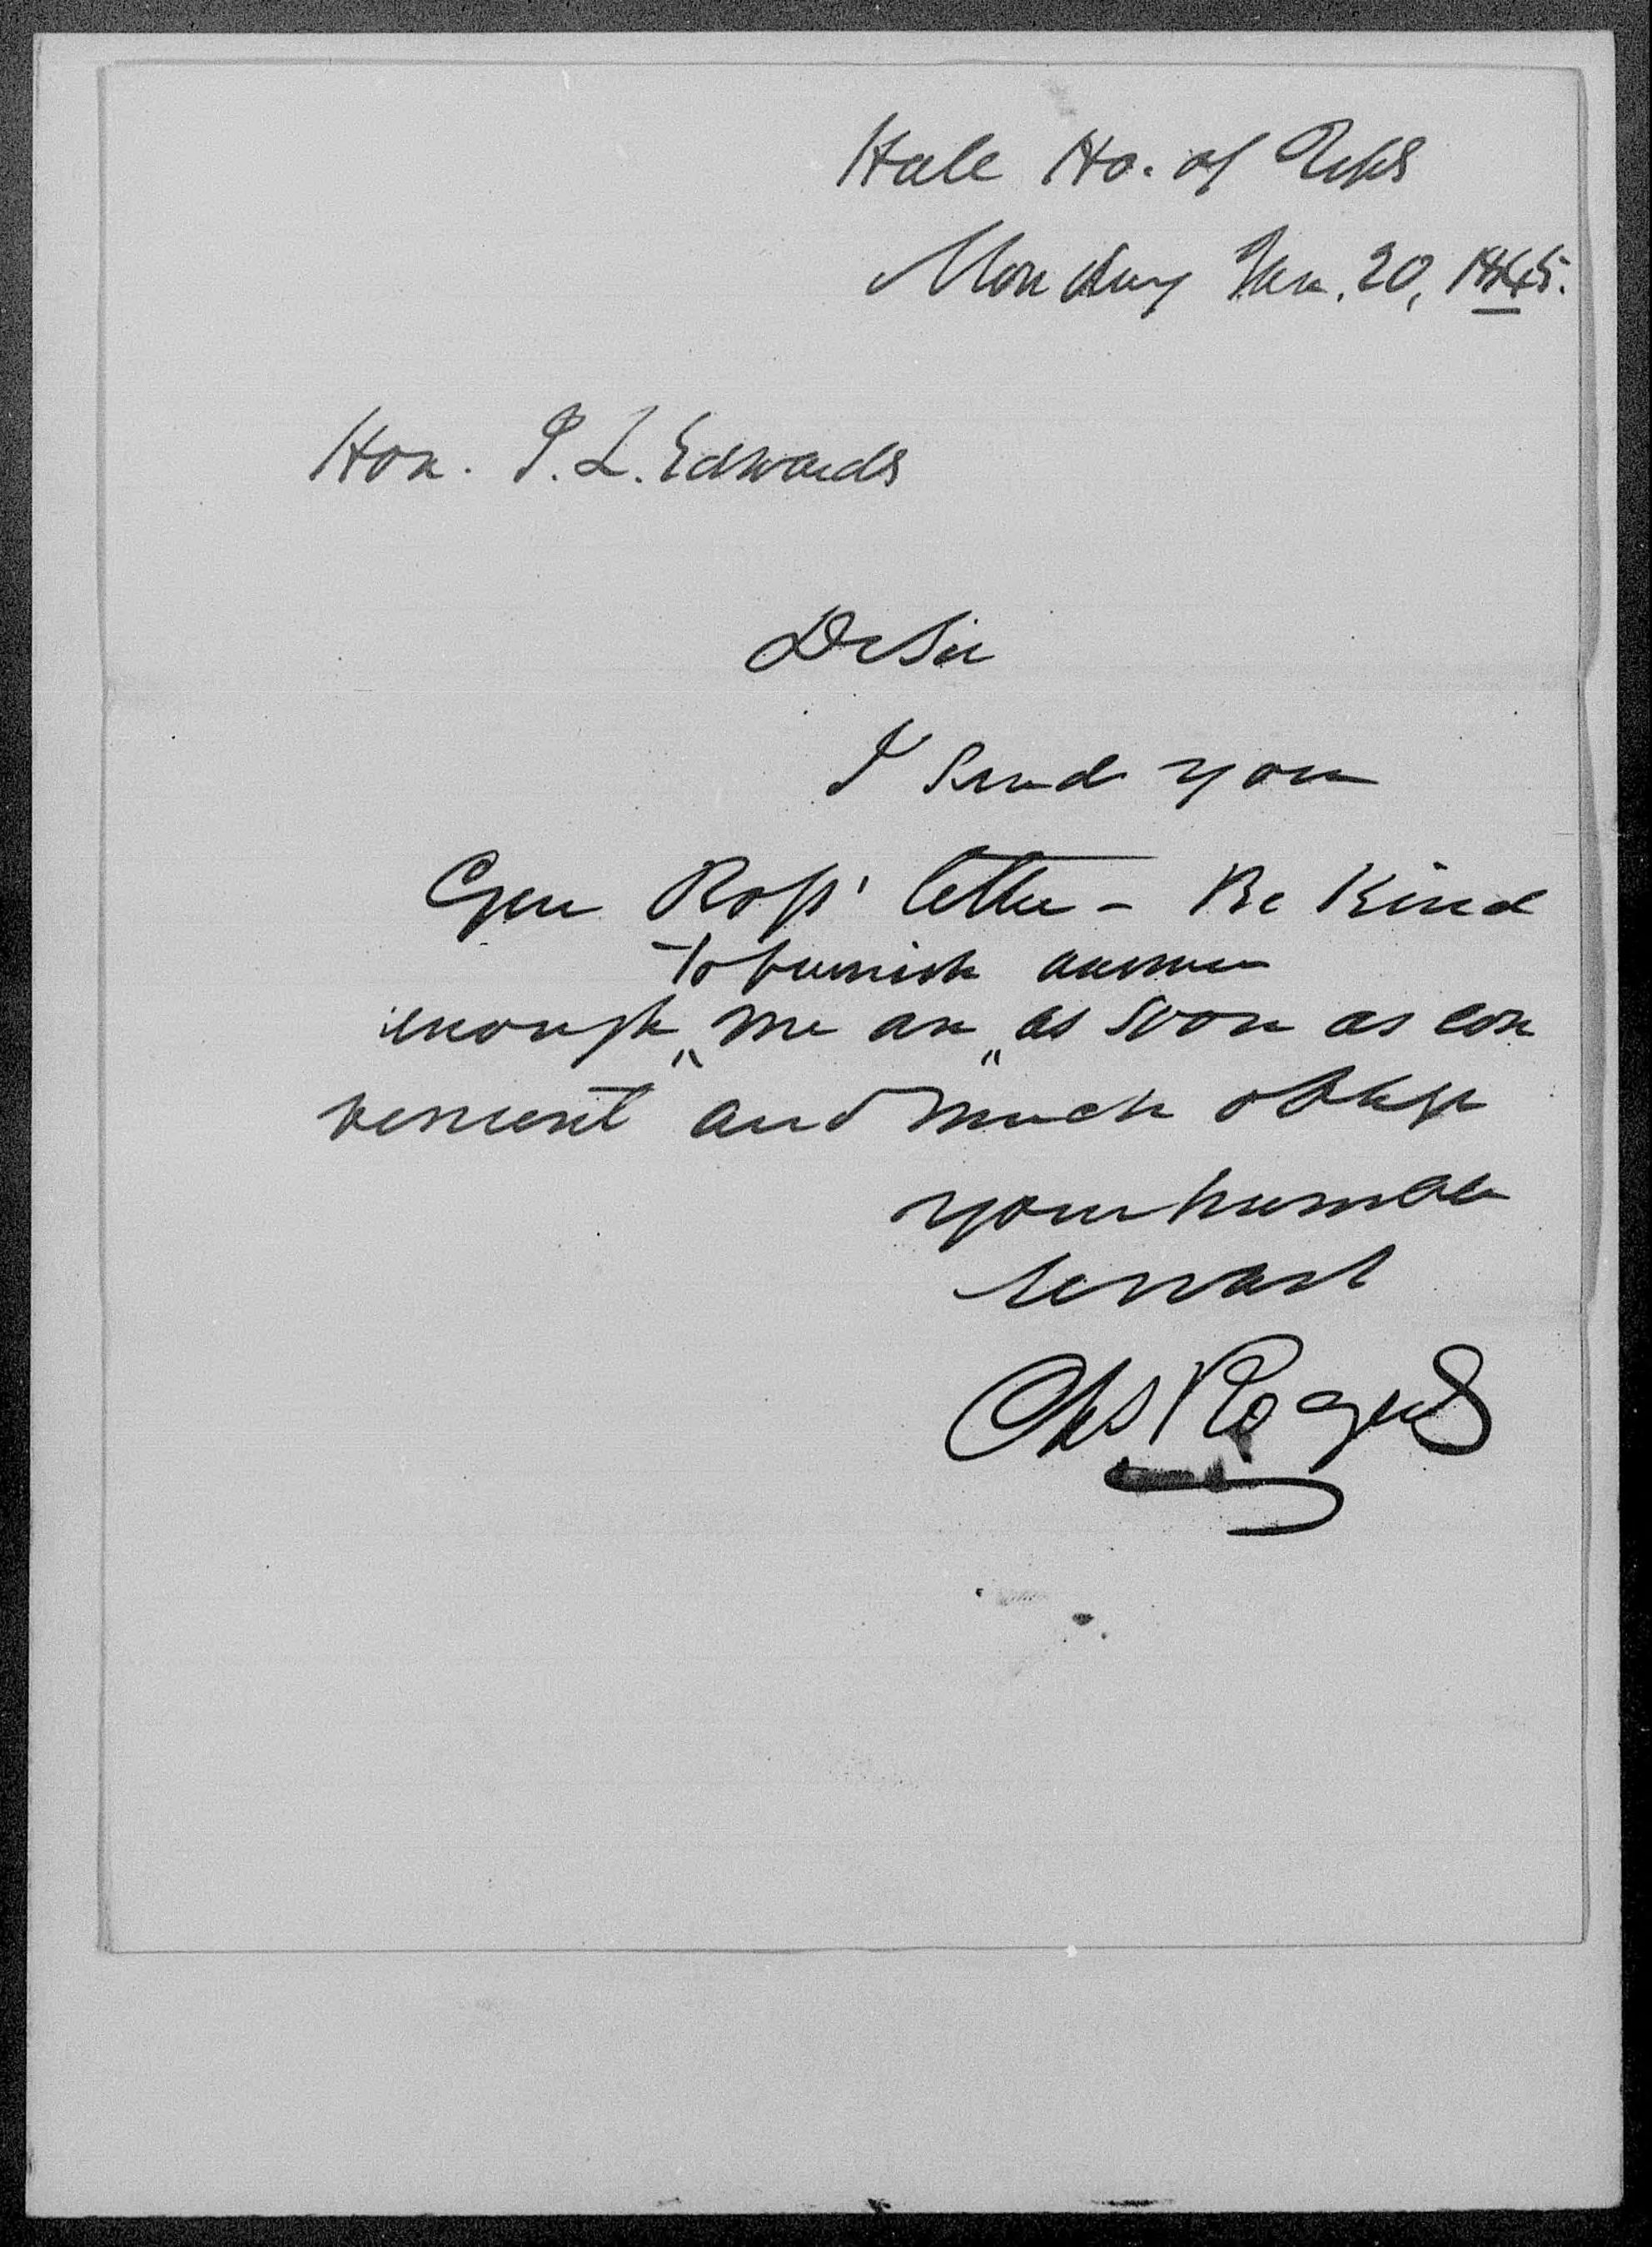Hall Ho. of Reps 
Monday Nov. 20, 1845. 
Hon. J. L. Edwards 
Dr. Sr. 
I send you Ross’ letter - Be kind to furnish answer through me an as soon as convenient and much oblige.
Your humble Svt
Chas Rogers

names: J L Edwards, Chs Rogers, Ross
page: 35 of 51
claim: widow's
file: W. 1698, Oliver Barker, Conn.